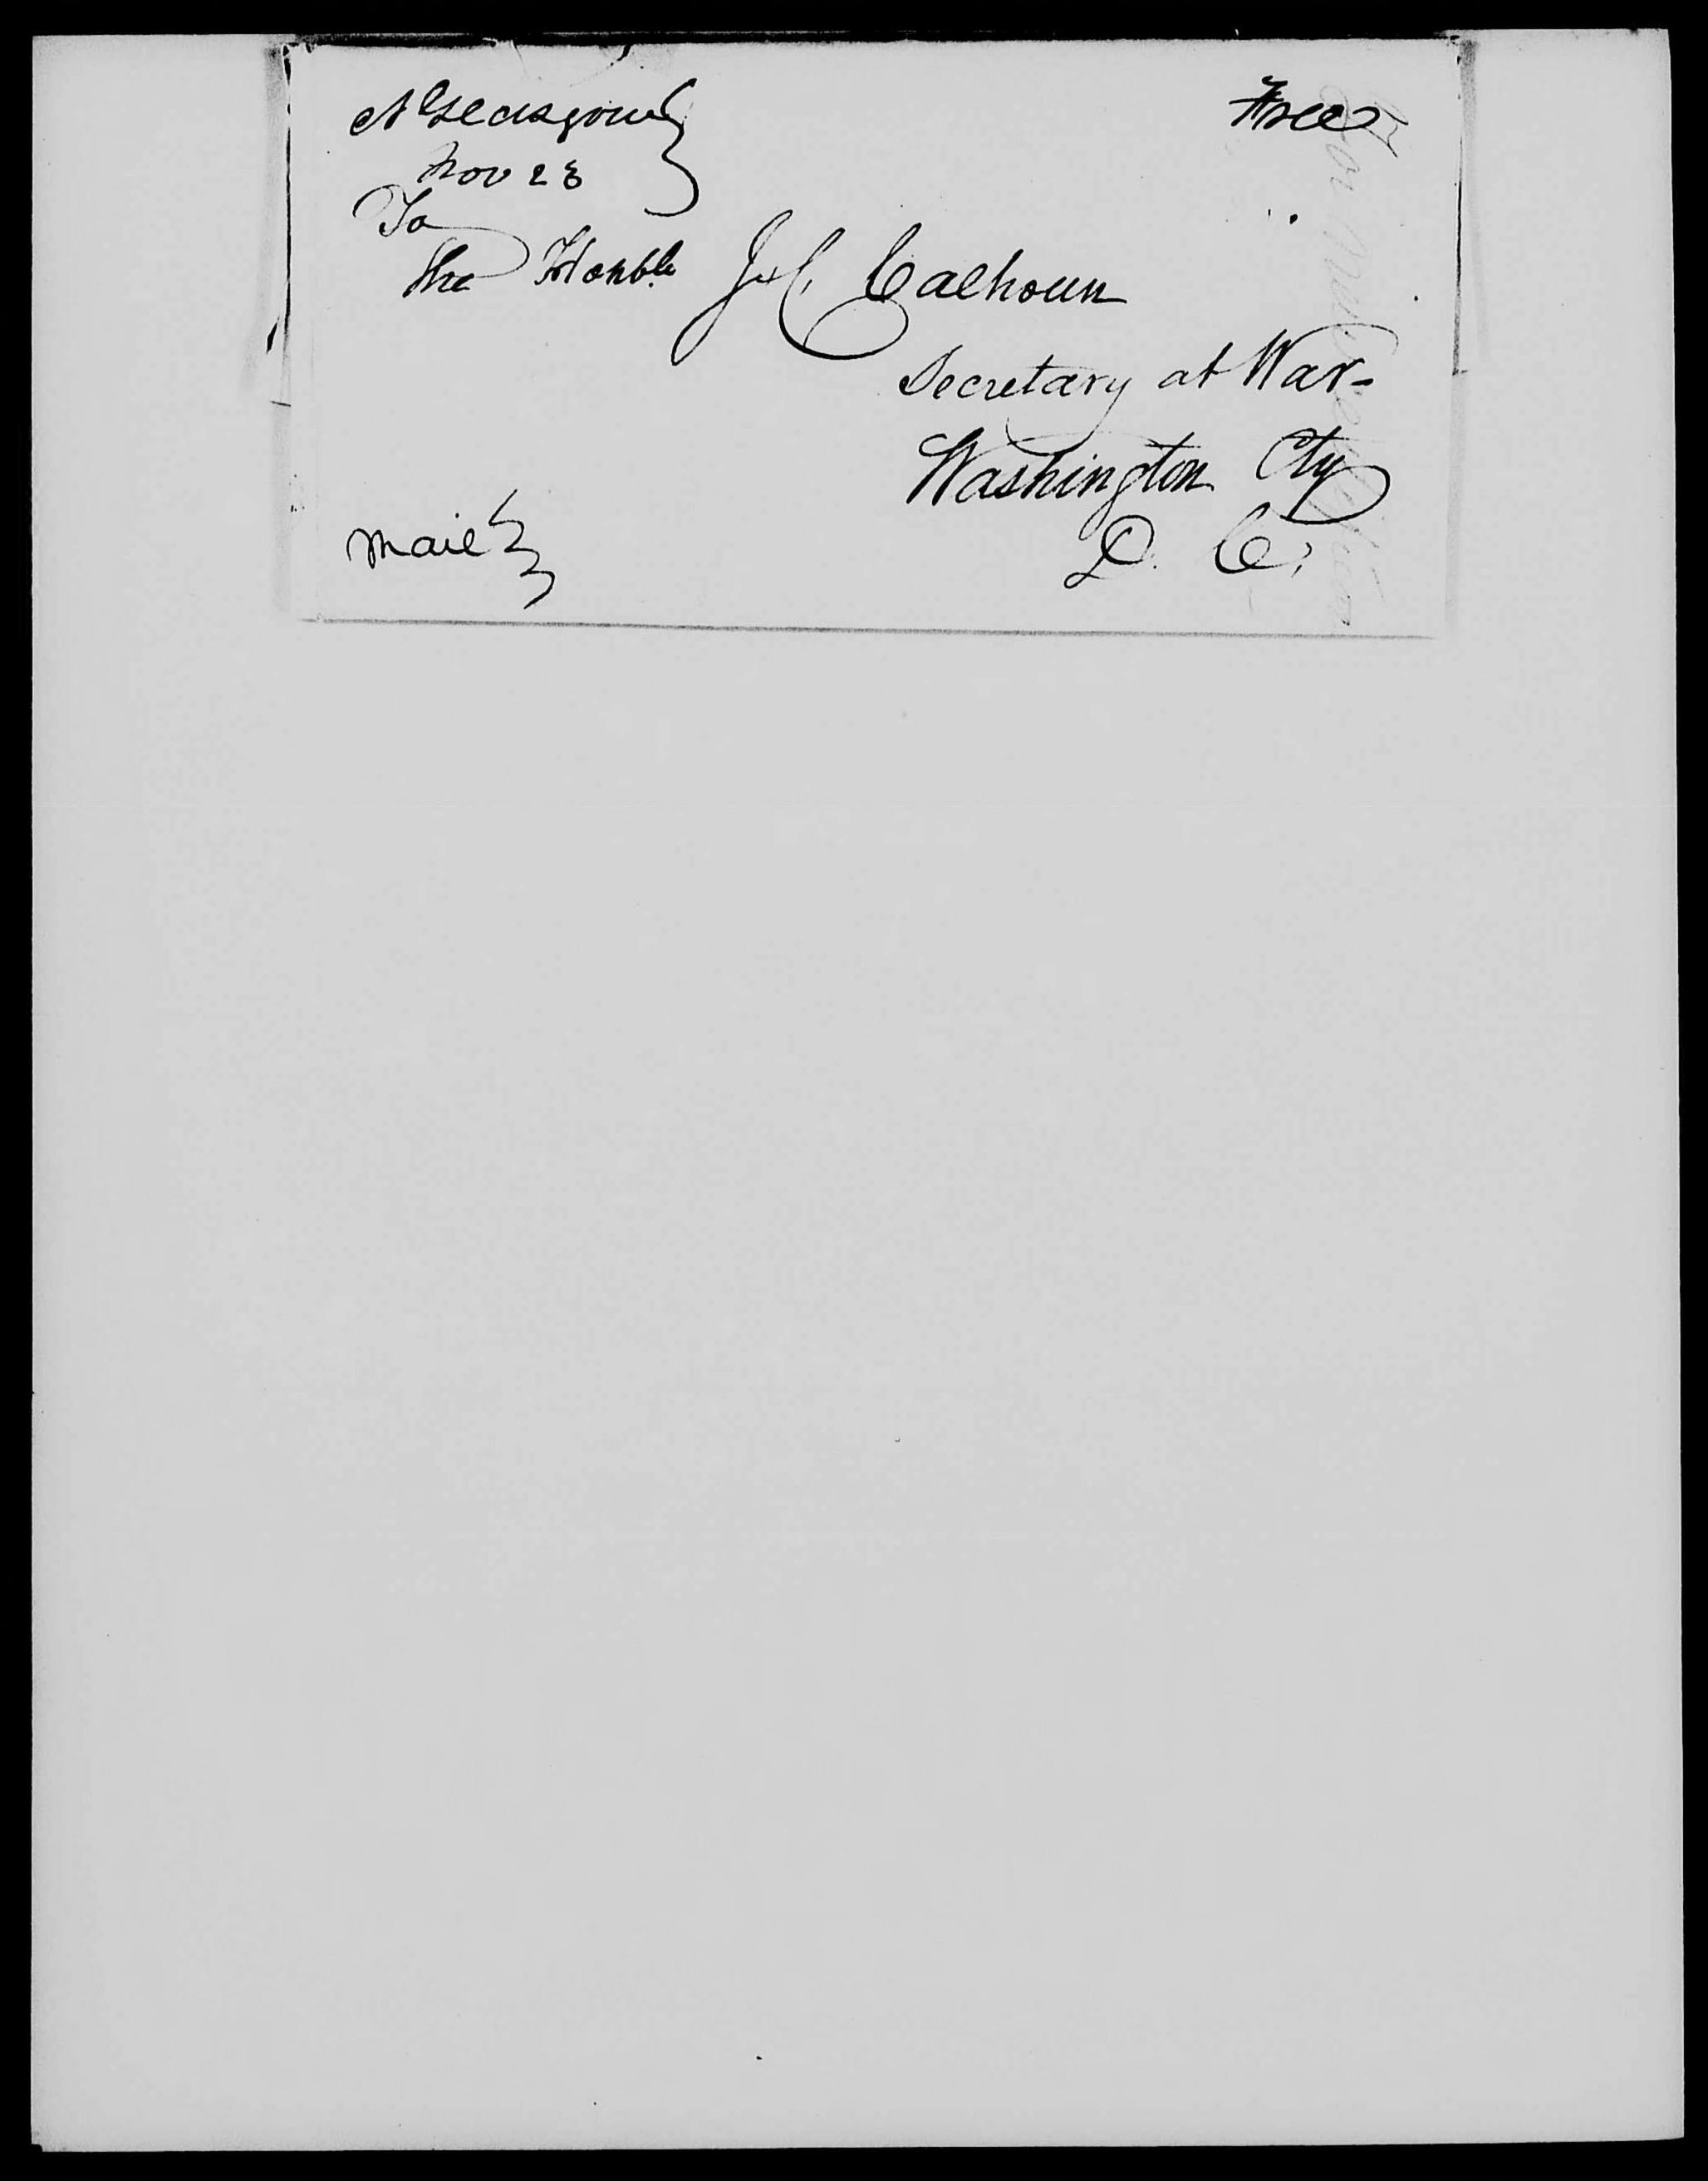Glasgow
Nov 23

Free

To
The Honble
J. C. Calhoun
Secretary at War_
Washington Cty
D. C.

Mail

For new certificate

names: J C Calhoun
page: 17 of 23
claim: survivor's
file: S. 38226, for Archelaus Mitchell, Virginia